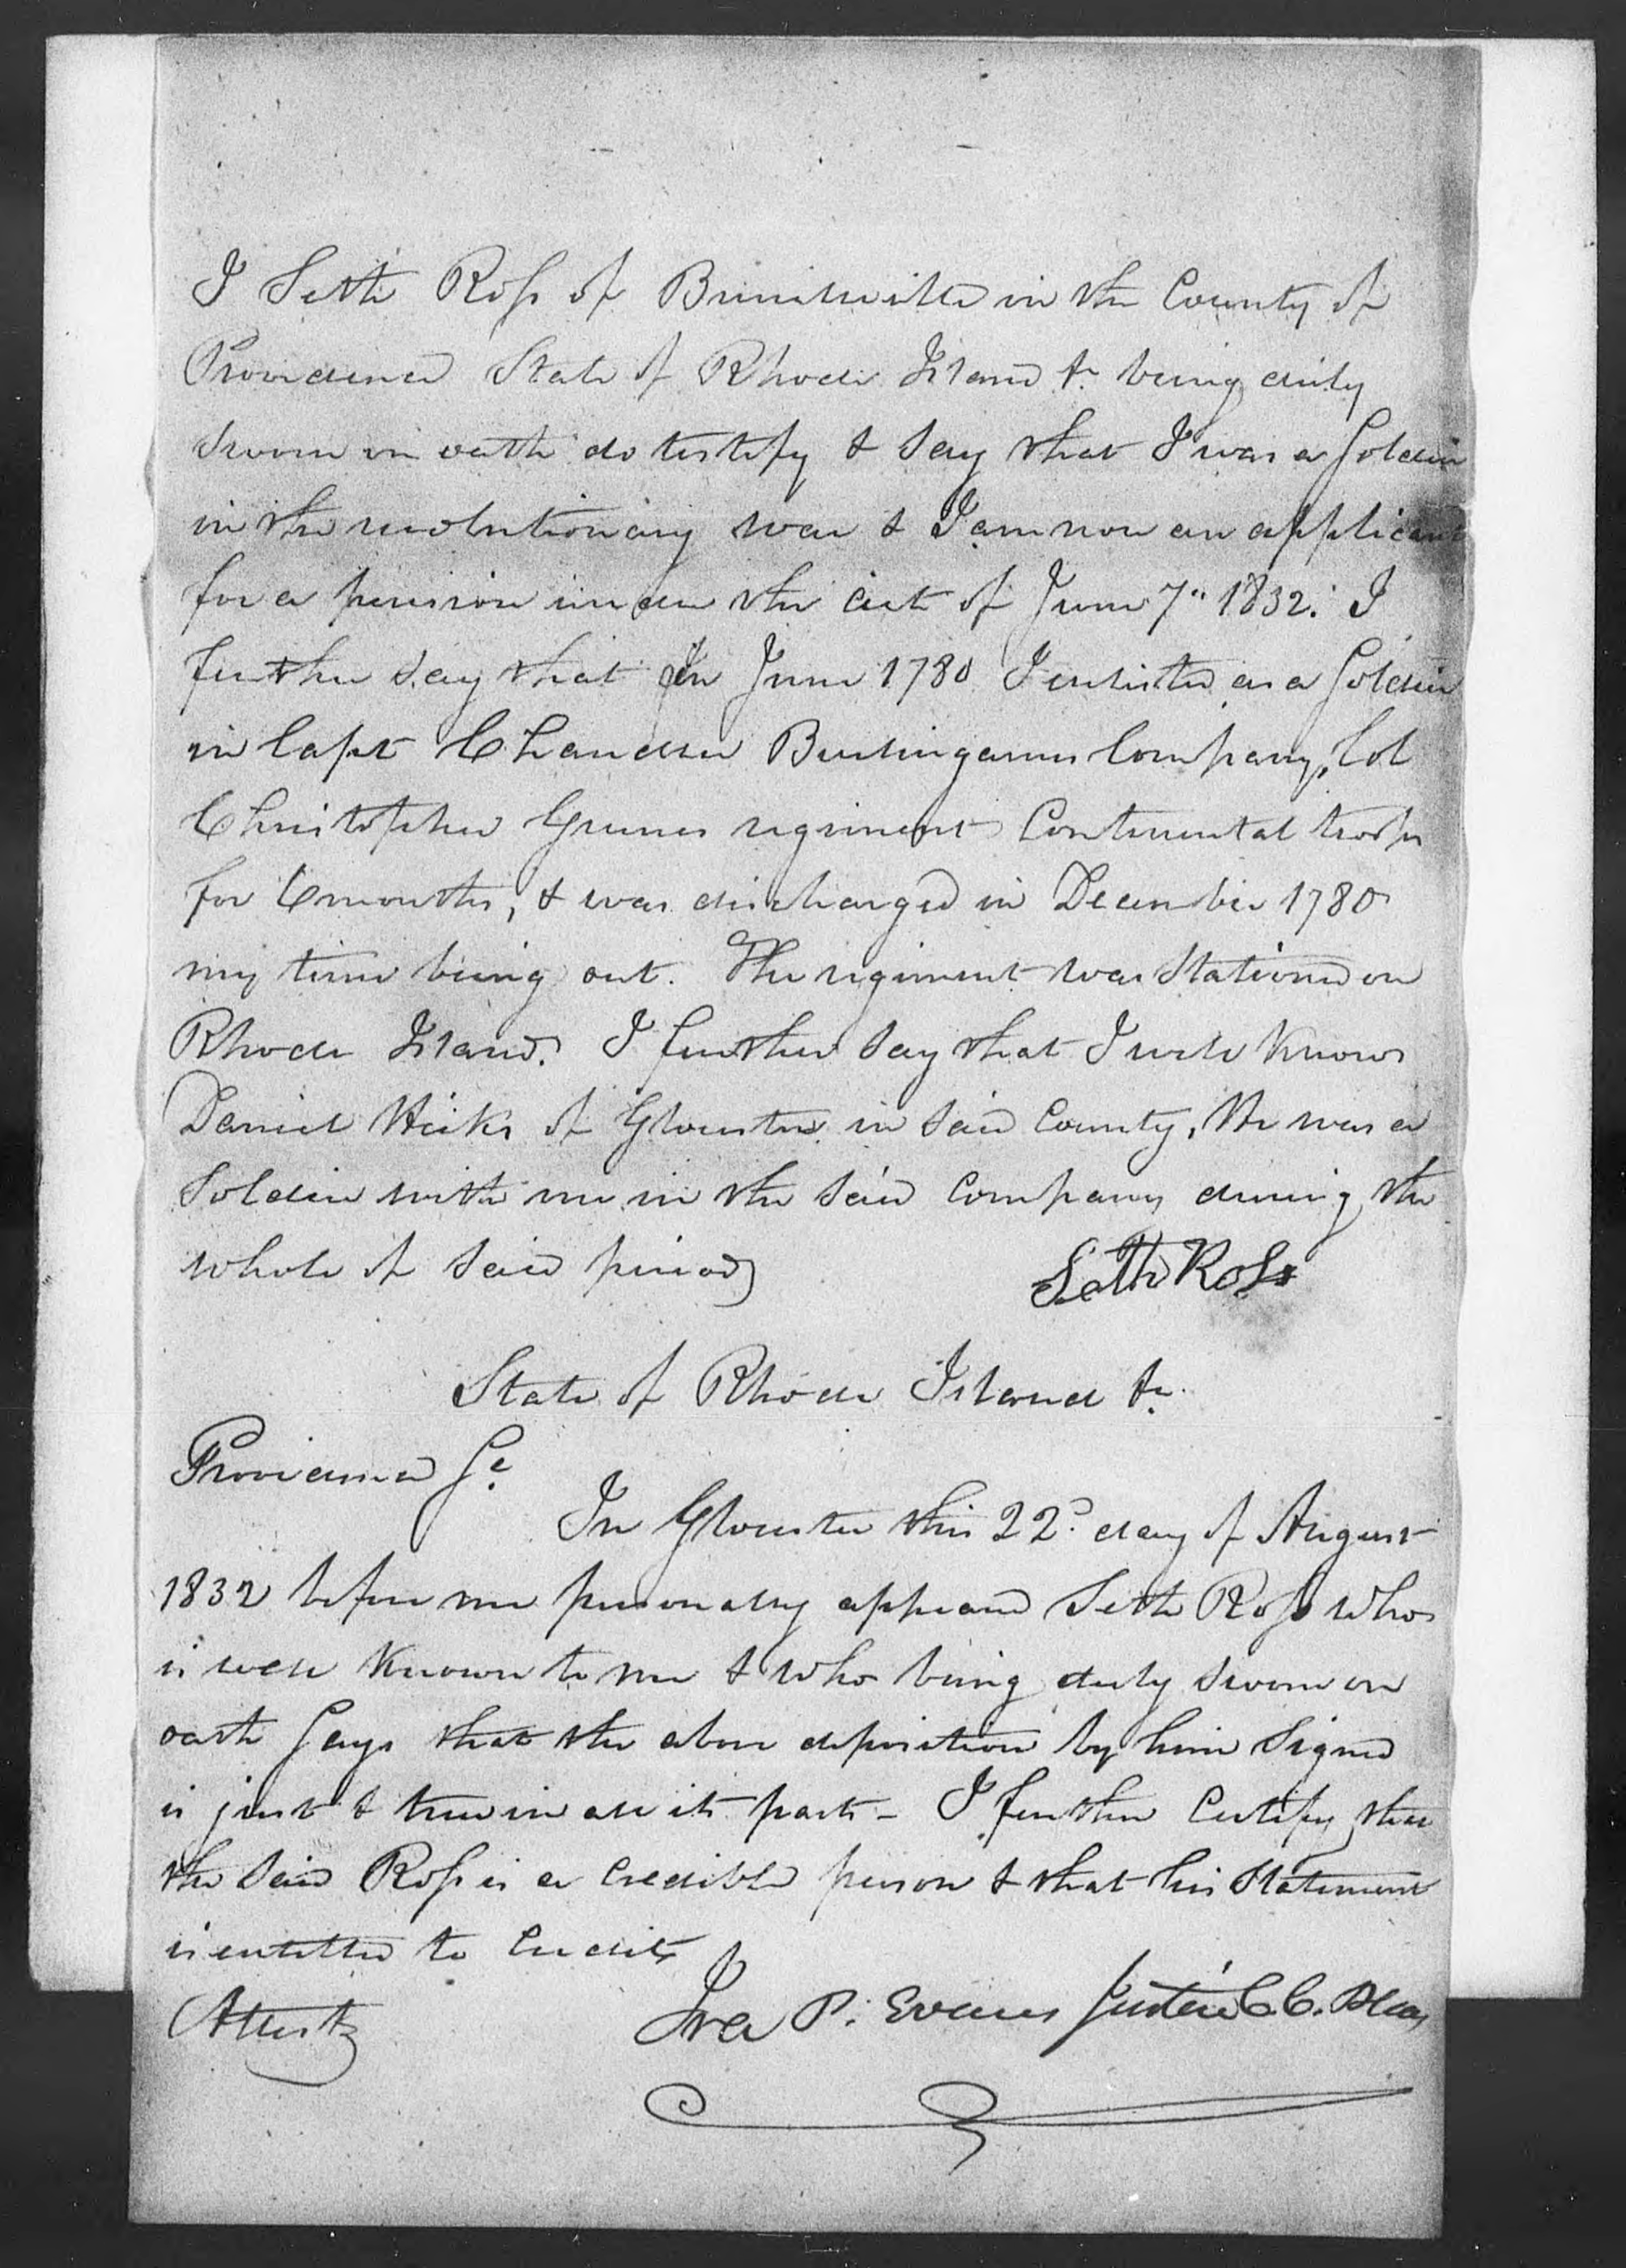I Seth Ross of Brintwitte in the County of
Providence State of Rhode Island & being duly
Sworn on oath do testify & say that I was a Col
in the revolutionary war & I am now an applicant
for a pension under the act of June 7, 1832. I
further say that in June 1780 I enlisted as a soldier
in Capt Chandler Burlingame Company lot
Christopher Greenes regiment Continental troops
for months, & was discharged in December 1780
my time being out. The regiment was stationed on
Rhode Island. I further say that I will know
Daniel Hicks of Glouster in said County, the was a
Soldier with me in the said Company during the
whole of said period
/Signature of/Seth Ross

State of Rhode Island
In Glouster this 22d day of August
1832 before me personally appeared Seth Ross who
is well known to me & who being duly sworn on
oath says that the above deposition by him Signed
is just & true in all its parts. I further certify that the
said Ross is a credible person & that his statement is 
entitled to Credit

Attest
Ira P. Evans Justice C. C. Pleas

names: Ira P Evans, Ross, Daniel Hicks, Seth Ross, Seth Ross, Seth Ross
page: 11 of 17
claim: survivor's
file: S. 21285, Daniel Hicks, R.I.